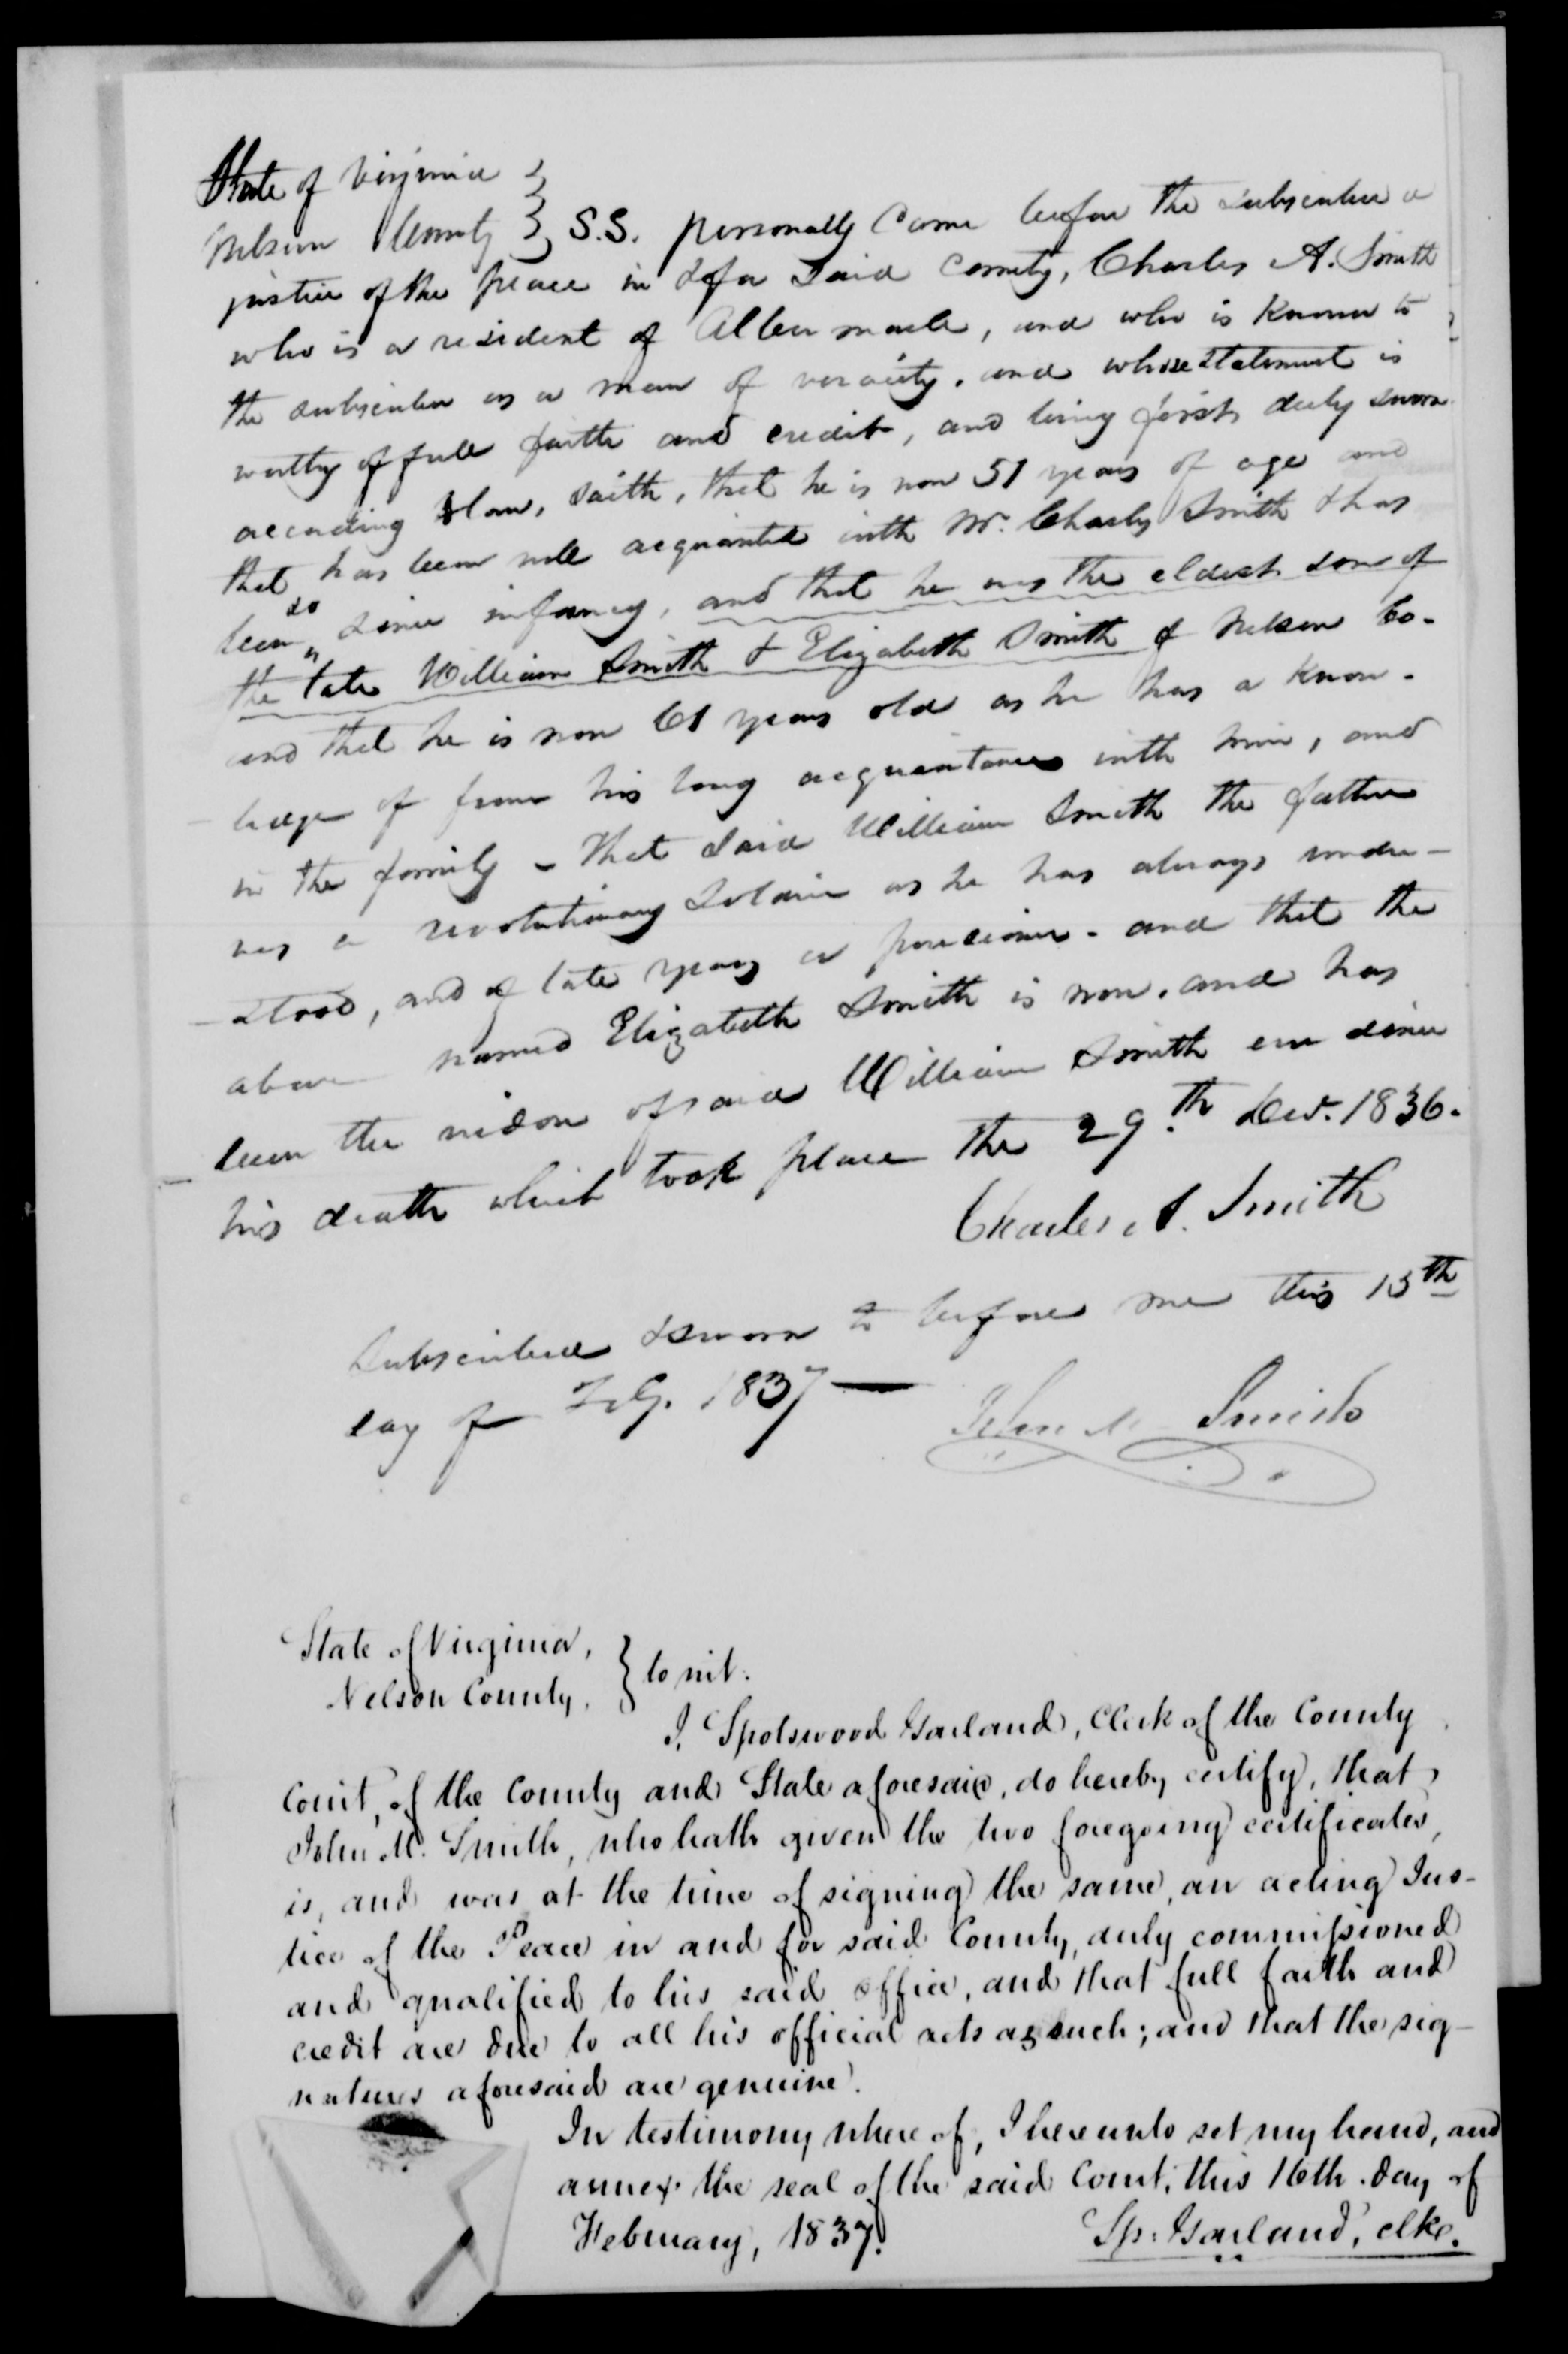State of Virginia
Nelson County} S.S. Personally came before the subscriber a justice of the peace in & for said County, Charles A. Smith who is a resident of Albemarle, and who is known to the subscriber as a man of veracity, and whose statement is worthy of full faith and credit, and being first duly sworn according to law, saith, that he is now 51 years of age and that has been well acquainted with Mr. Charles Smith & has been so since infancy, and that he was the eldest son of the late William Smith & Elizabeth Smith of Nelson Co. and that he is now 61 years old as he has a knowledge of from his long acquaintance with him, and in the family - That Said William Smith the father was a revolutionary soldier as he has always understood, and of late years a pensioner - and that the above named Elizabeth Smith is now, and has been the widow of said William Smith ever since his death which took place the 29th Decr. 1836.
Charles A. Smith
Subscribed & sworn to before me this 15th day of Feby. 1837 - John M Smith

State of Virginia,
Nelson County,} to wit:
I Spotswood Garland, Clerk of the County Court, of the County and State aforesaid, do hereby certify, that John M. Smith, who hath given the two foregoing certificates, is, and was at the time of signing the same, an acting Justice of the Peace in and for said County, duly commissioned and qualified to his said office, and that full faith and credit are due to all his official acts as such; and that the signatures aforesaid are genuine.
In testimony whereof, I here unto set my hand, and annex the seal of the said Court, this 16th day of February, 1837. Sp: Garland, clk.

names: William Smith; Elizabeth Smith; John M Smith; Charles A Smith; Charles A Smith; William Smith; John M Smith; Spotswood Garland; Charles Smith; Sp Garland; William Smith; Elizabeth Smith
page: 9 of 22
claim: widow's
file: W. 4,806, for William Smith, Virginia